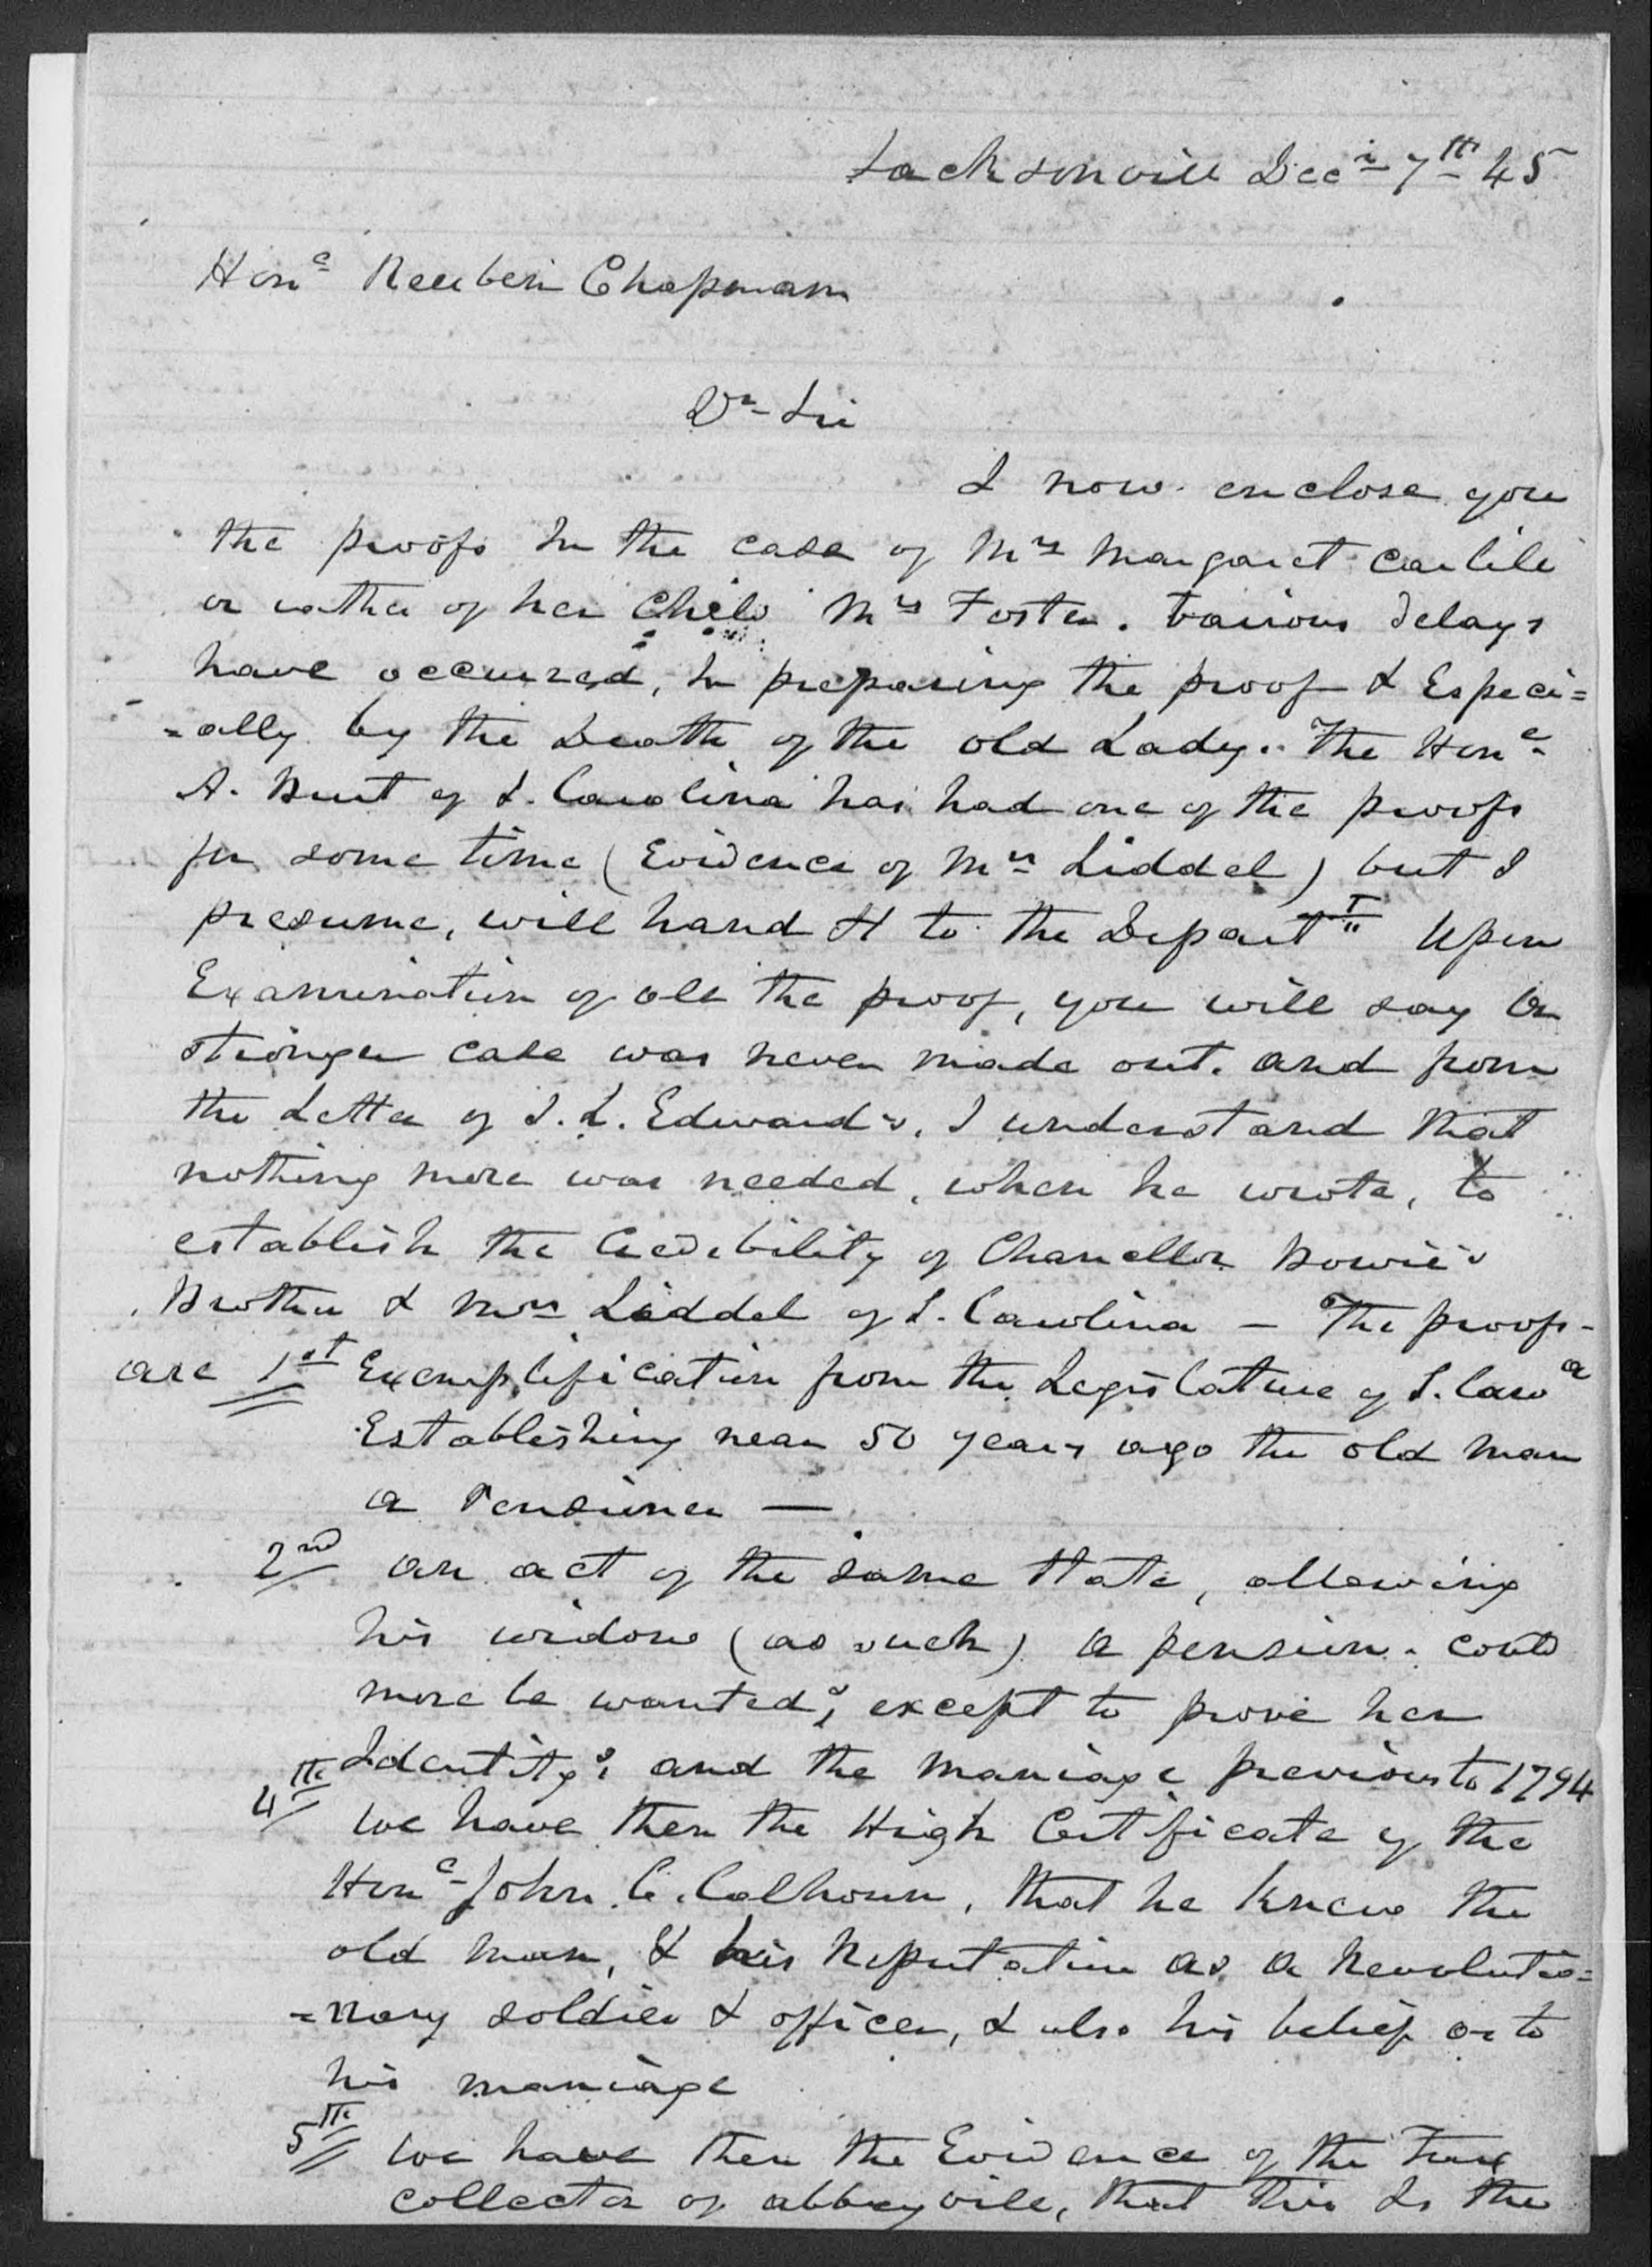Jacksonville Dec. 7th  - 45 Hon. Reuben Chapman  Dr. Sir, I now  enclose you the proofs in the case of Mrs. Margaret Carlisle or either of her child Mrs Foster, various delays  have occurred in preposing the proof & especially  by the death of the old lady.  The Hon. A. Burt of S. Carolina has had one of the proofs for some time ( evidence of Mrs. Liddel ) but I presume will hand it to the   Depart.  upon examination of all the proof, you will say  the stronger case was never made  out. and from the letter of J. L. Edwards, I understand that  nothing more was needed. When he wrote to establish the credibility of Chandler Bowie's brother  & Mrs. Liddel of S. Carolina - The proofs are
1st Examplification from the Legislature of S. Carolina  establishing  near 50 years ago the old man a pensioner. 
2nd. An act of the same state allowing his widow ( as such ) a pension, could more be wanted except to prove her Identity  &  the marriage previous to  1794. 
4th .We have then the High certificate of the Hon. John C. Calhoun, that he knew the old man  & his reputation  as a  Revolutionary soldier & officer  & also his belief as to his  marriage. 
5th / We have then the evidence of the  Tax collector  of  Abbeville, that this is the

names: J L Edwards, John C Calhoun, Liddel, Bowie, Foster, Margaret Carlile, A Burt, Reuben Champman, Liddel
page: 60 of 91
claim: widow's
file: W. 10576, Francis Carlisle, S.C.